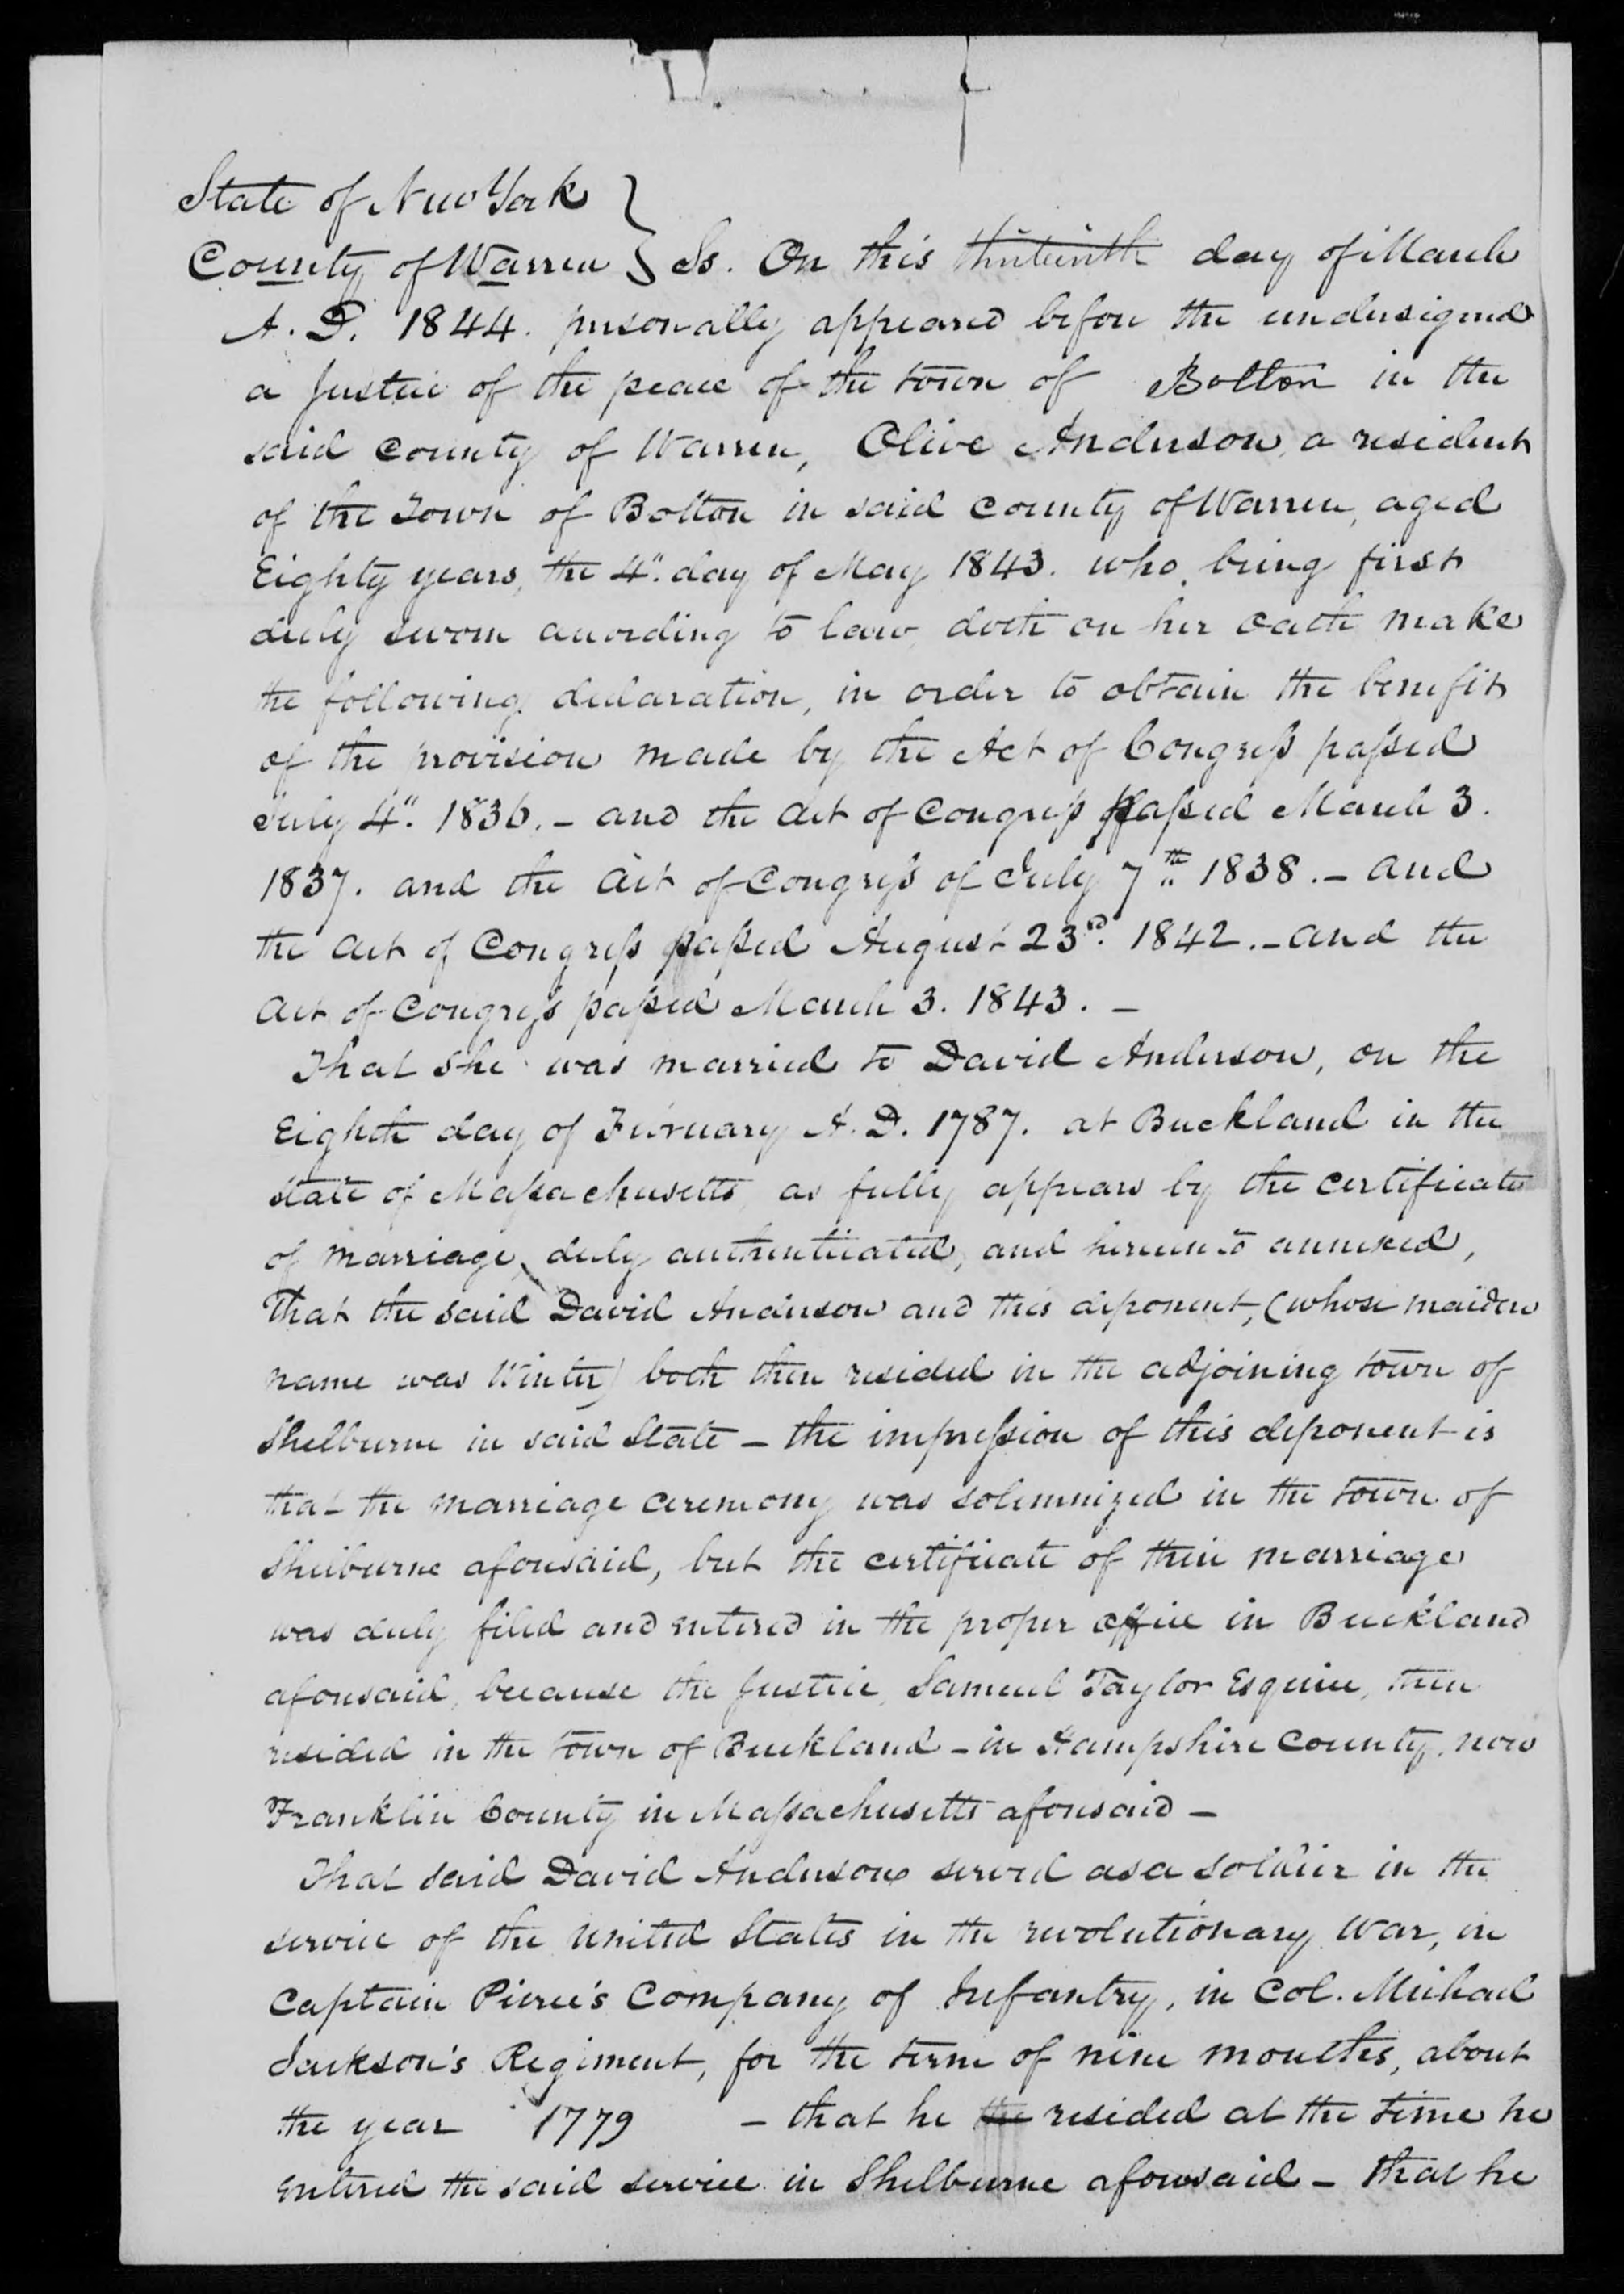State of New York
County of Warren  Ss. 
On this thirteenth day of March
A.D. 1844. personally appeared before the undersigned
a Justice of the peace of the town of Bolton in the
said County of Warren, Olive Anderson a resident
of the Town of Bolton in said County of Warren, aged
Eighty years the 4th day of May 1843, who being first
duly sworn according to law doth on her oath make
the following declaration, in order to obtain the benefit
of the provision made by the Act of Congress passed
July 4, 1836, and the act of Congress passed March 3
1837. and the act of Congress of July 7th 1838 and
the act of Congress passed August 23rd 1842. and the
act of Congress passed March 3, 1843.
That she was married to David Anderson, on the
Eighth day of February A.D. 1787 at Buckland in the
State of Massachusetts as fully appears by the certificate
of Marriage duly authenticated and hereunto annexed,
that the said David Anderson and this deponent, (whose maiden
name was Winter) both then resided in the adjoining town of
Shelburne in said State - the impression of this deponent is
that the marriage ceremony was solemnized in the town of
Sherburne aforesaid, but the certificate of their marriage
was duly filed and entered in the proper office in Buckland
aforesaid, because the Justice Samuel Taylor Esquire, then
resided in the town of Buckland in Hampshire County, now
Franklin County in Massachusetts aforesaid -
That said David Anderson served as a soldier in the
service of the United States in the revolutionary War, in
Captain Pierce's Company of Infantry, in Col. Michael
Jackson's Regiment, for the term of nine months, about
the year 1779 - that he the resided at the time he
entered the said service in Shelburne aforesaid - that he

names: Samuel Taylor, David Anderson, Olive Anderson, David Anderson, David Anderson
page: 17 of 39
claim: widow's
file: W. 20624, David Anderson, Mass